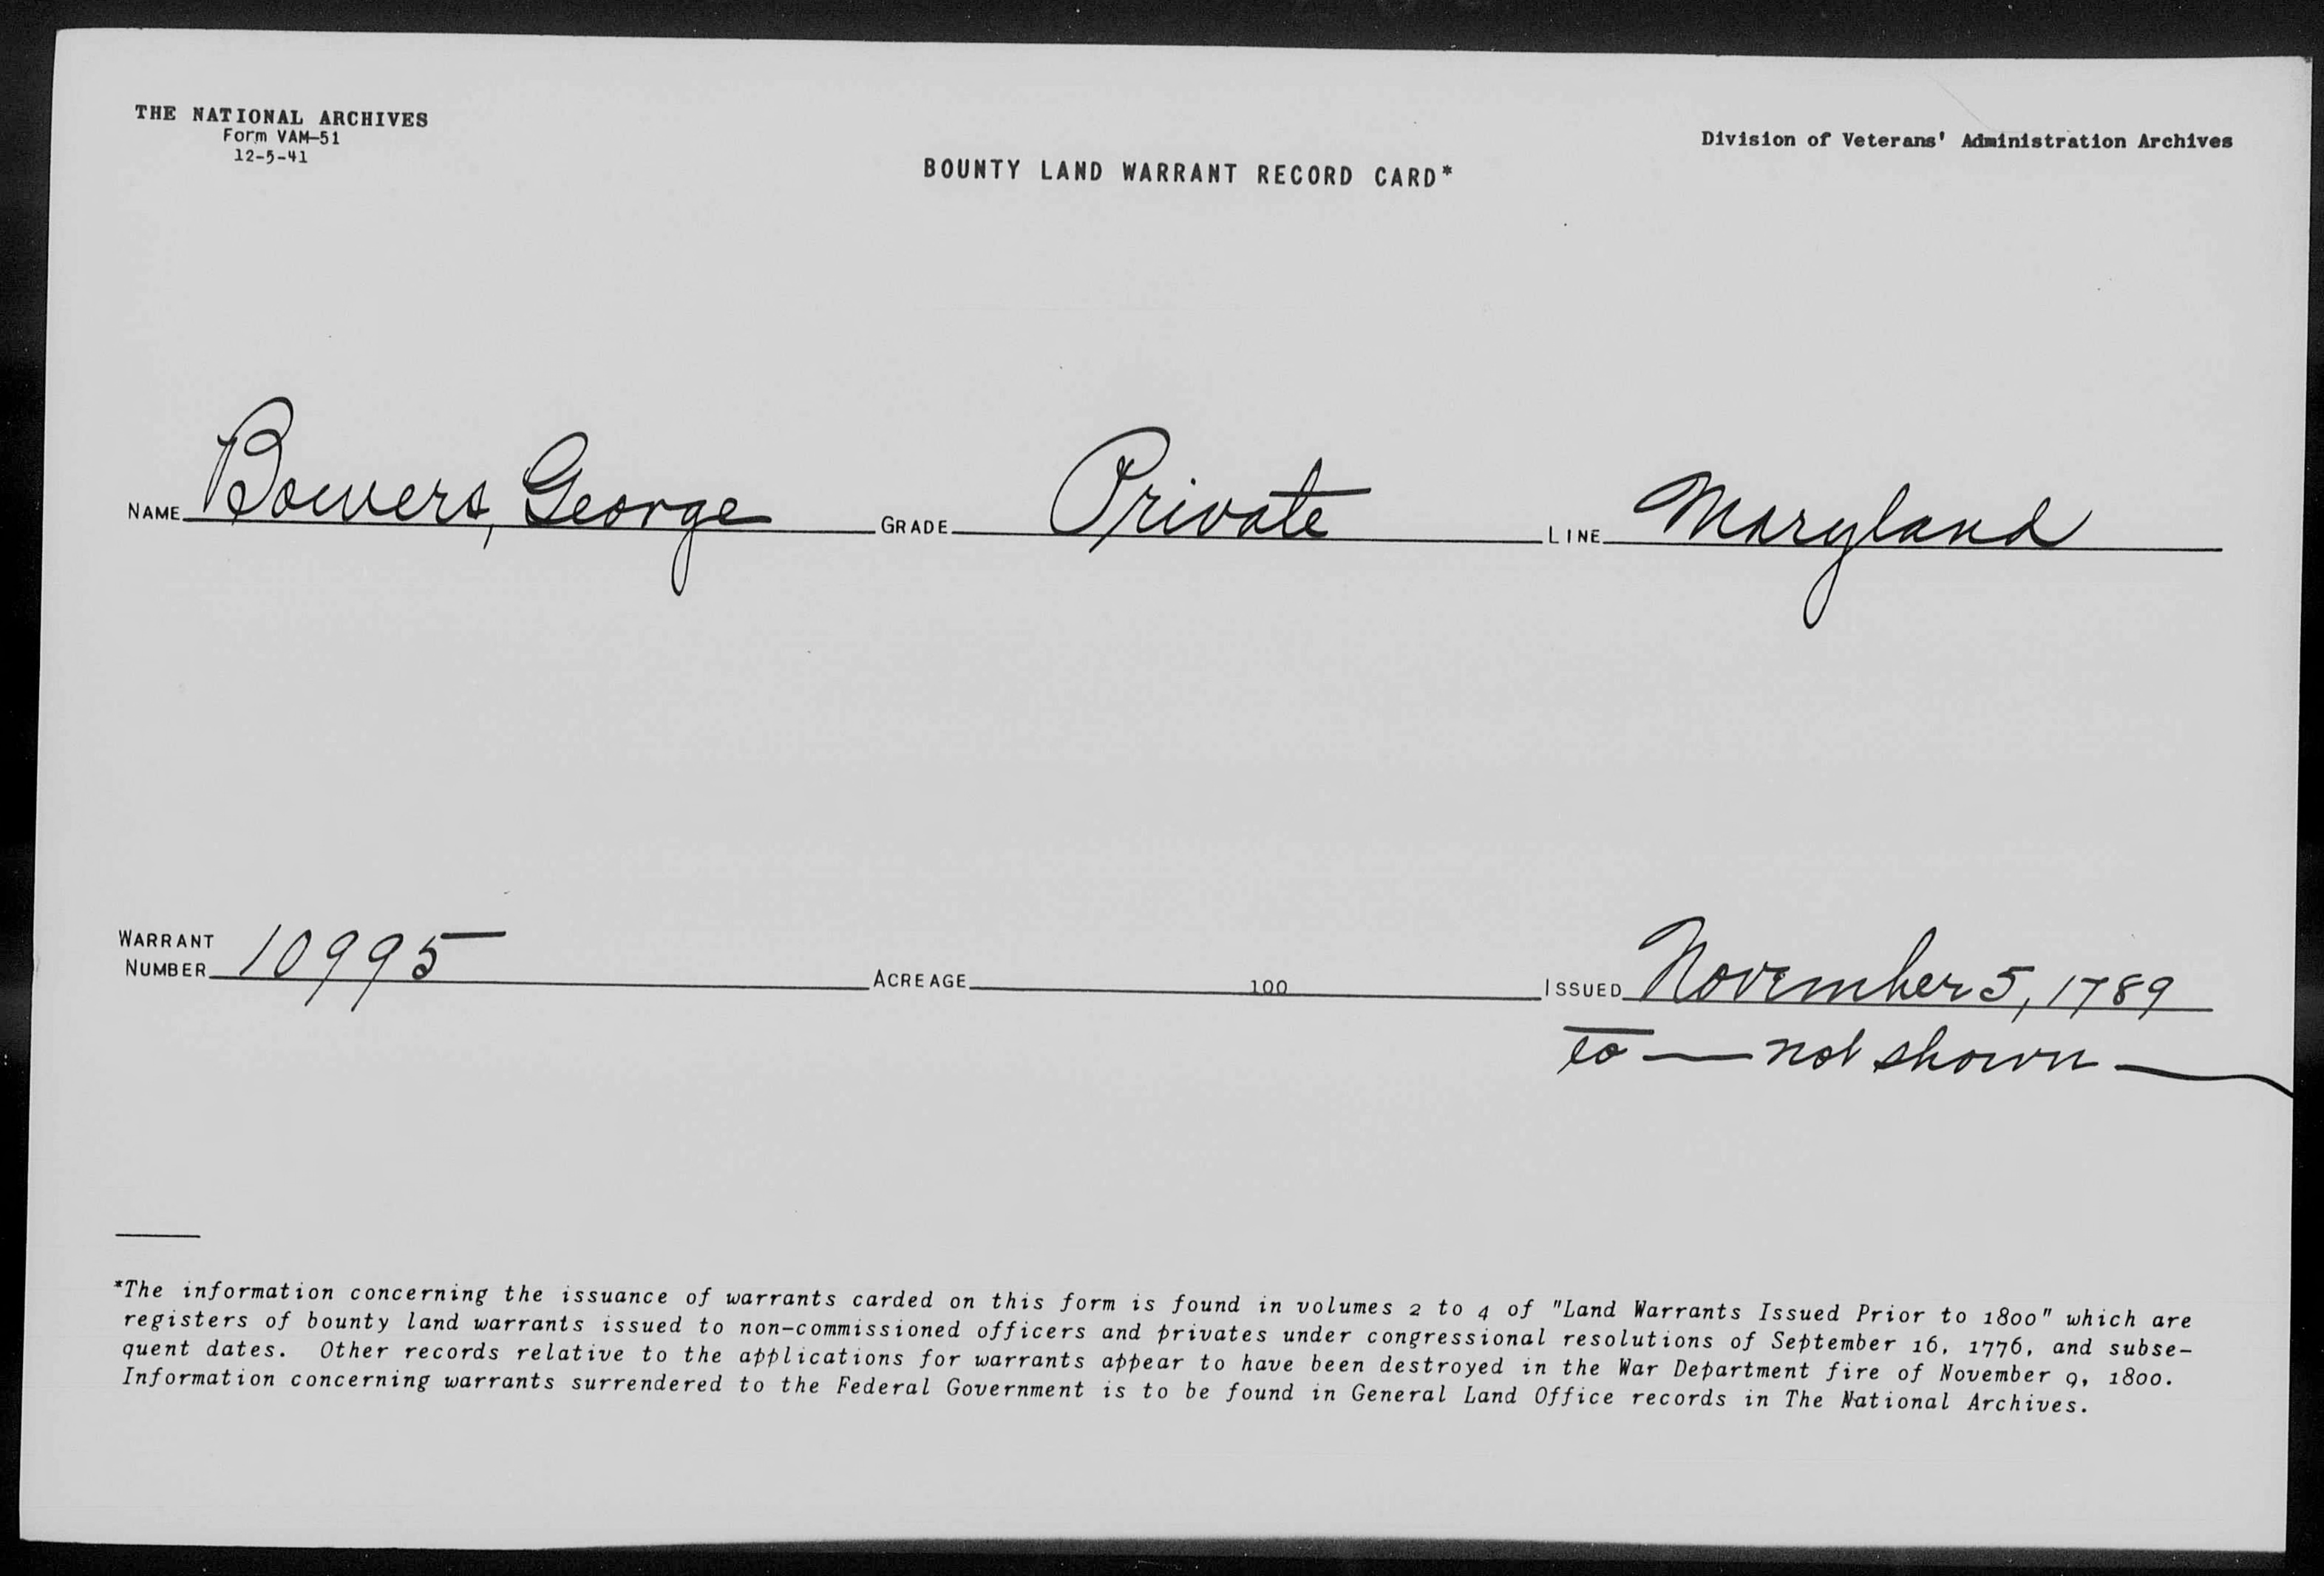[typed]
The National Archives
Form VAM-51
12-5-41

Bounty Land Warrant Record Card*

Division of Veterans’ Administration Archives

Name  Bowers, George
Grade  Private 
Line Maryland

Warrant Number 10995
Acreage 100
Issued November 5, 1789
to ----not shown-----

*The information concerning the issuance of warrants carded on this form is found in volumes 2 to 4 of “Land Warrants Issued Prior to 1800” which are registers of bounty land warrants issued to non-commissioned officers and privates under congressional resolutions of September 16, 1776, and subsequent dates. Other records relative to the applications for warrants appear to have been destroyed in the War Department fire of November 9, 1800. Information concerning warrants surrendered to the Federal Government is to be found in General Land Office records in The National Archives.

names: George Bowers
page: 19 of 19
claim: survivor's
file: S. 40,018, George Bowers, Md